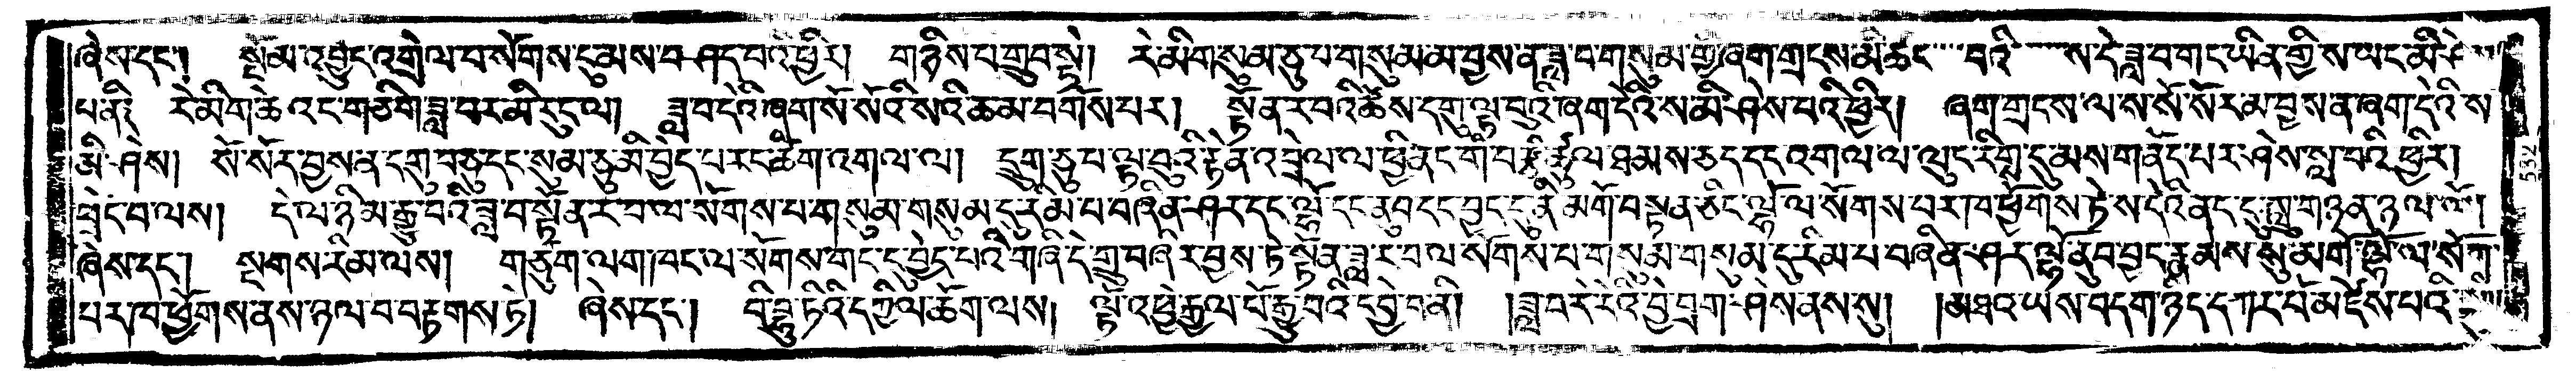ཞེས་དང་། སྤོམ་འབྱུང་འགྲེལ་བ་སོགས་དུམས་བཤད་པའི་ཕྱིར། གཉིས་པ་གྲུབ་སྟེ། རེ་མིག་སུམ་ཅུ་པ་གསུམ་མ་བྱས་ན་ཟླ་བ་གསུམ་གྱི་ཞག་གྲངས་མི་ཚང་བའི་ས་དེ་ཟླ་བ་གང་ཡིན་གྱིས་ཡང་མི་ཏེ་
པ་ནི། རེ་མིག་ཆེའང་གཅིག་ཟླ་བར་མི་རུང་ལ། ཟླ་བ་དེའི་ཞག་སོ་སོའི་སའི་ཆ་མ་བགོས་པར། སྟོན་ར་བའི་ཚེས་དགུ་ལྟ་བུའི་ཞག་དེའི་ས་མི་ཤེས་པའི་ཕྱིར། ཞག་གྲངས་ལ་ས་སོ་སོར་མ་བྱས་ན་ཞག་དེའི་ས་
མི་ཤེས། སོ་སོར་བྱས་ན་དགུ་བཅུ་དང་སུམ་ཅུ་མི་བྱེད་པ་རང་ཚིག་འགལ་ལ། དྲུག་ཅུ་པ་ལྟ་བུའི་རྟེན་འབྲེལ་ལ་ཕྱིན་ང་གི་བརྩ་ཚལ་ཐམས་ཅད་དང་འགལ་ལ་ལུང་རིགས་དུ་མས་གནོད་པར་ཤེས་སླ་བའི་ཕྱིར།
ཕྲེང་བ་ལས། དེ་ལ་ཉི་མ་རྒྱུ་བའི་ཟླ་བསྟོན་ར་པ་ལ་སོགས་པ་གསུམ་གསུམ་དུ་རིམ་པ་བཞིན་ཤར་དང་ནུབ་དང་བྱང་དུ་ནི་མགོ་བསྟན་ཅིན་ལྷོ་ལ་སོགས་བར་ཁ་ཕྱོགས་ཏེས་དེའིནང་དུ་?་གཉན་ཉལ་སོ་
ཞེས་དང་། སྔགས་རིམ་ལས། གཙུག་ལག་ཁང་ལ་སོགས་གང་དབྱེད་པའི་གཞི་དེ་གྲུབ་བཞིར་བྱས་ཏེ་སྟེན་ཟླར་བ་ལ་སོགས་བ་གསུམ་གསུམ་དུ་རིམ་བ་བཞིན་ཤར་ལྷོ་ནུབ་བྱང་རྣམས་སུ་མགྲོ་ལྷོ་ལ་སོགས་
པར་ཁ་ཕྱོགས་ནས་ཉལ་བ་བརྟགས་ཏེ། ཞེས་དང་། བི་བྷུ་ཏིའི་དཀྱིལ་ཆོག་ལས། ལྟོ་འཕྱེ་རྒྱལ་པོ་རྒྱུ་བའི་དབྱེ་བ་ནི། །ཟླ་བ་རེ་རེའི་བྱེ་བྲག་ཤེས་ནས་སུ། །མཐའ་ཡས་བདག་ཉིད་དཀར་བོ་མཛེས་པའི་?།